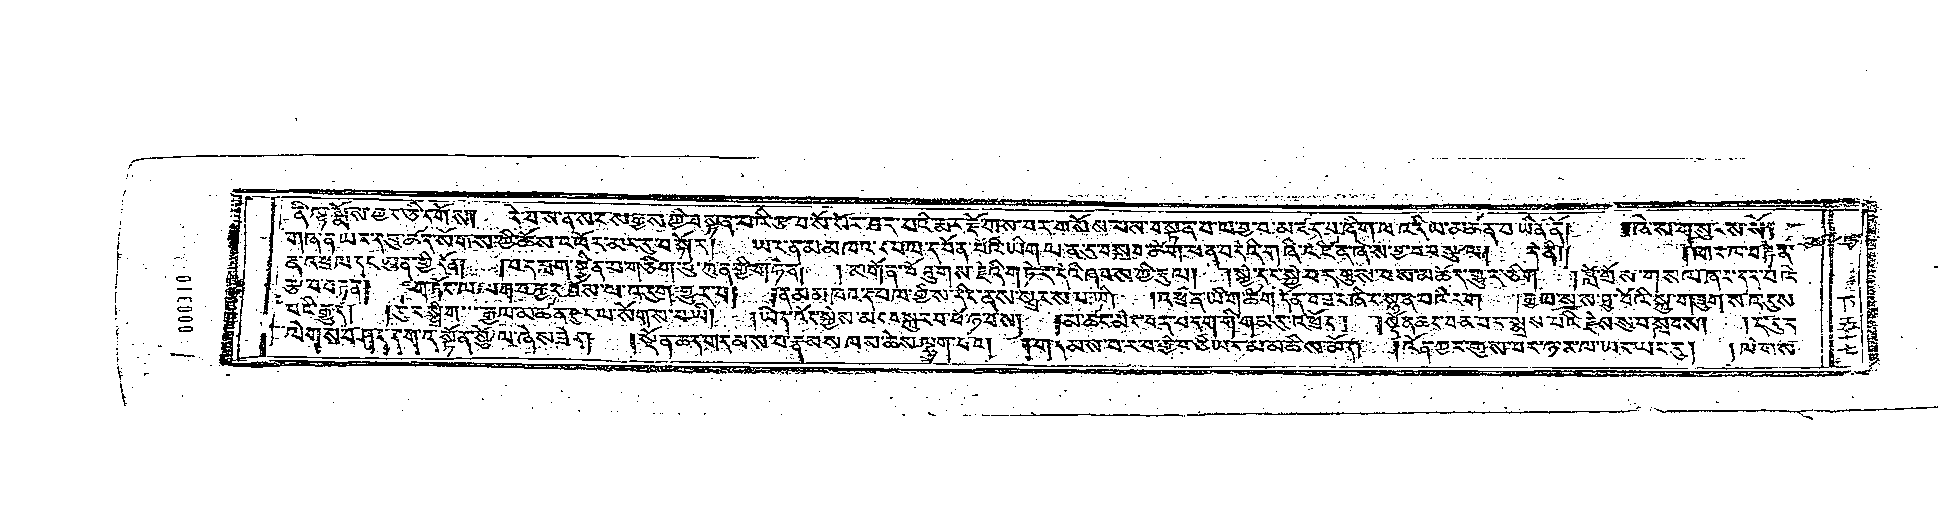ནི་ལྟ་སྨོས་ཀྱང་ཅི་དགོས། དེ་བས་ན་སངས་རྒྱས་ཀྱི་བསྟན་པའི་རྩ་བ་སོ་སོར་ཐར་པའི་རྨང་རྫོགས་པར་གསོས་པས་བསྟན་པ་ལ་བྱ་བ་མཛད་པ་ཞིག་ལ་འདི་ཡ་མཚན་པ་ཡིན་ནོ། །ཞེས་གསུངས་སོ། །
གཞན་ཡང་དབུ་ཚད་སོགས་ཀྱི་ཆོས་འཁོར་མང་དུ་བསྐོར། ཡང་ནམ་མཁའ་དཔལ་དཔོན་པོའི་ཡིག་ལན་དུ་བསླབ་ཚིག་ཕན་བདེའི་གཞི་འཛིན་ཞེས་བྱ་བ་བསྩལ། དེ་ནི།། །།གང་ལ་བརྟེན་
ན་འཕྲལ་དང་ཡུན་གྱི་དོན། །བདེ་བླག་སྦྱིན་པ་གཅིག་པུ་ཀུན་གྱི་གཉེན། །མགོན་པོ་ཐུགས་རྗེའི་གཏེར་དེའི་ཞབས་ཀྱི་རྡུལ། །སྐྱེ་དང་སྐྱེ་བར་གུས་པས་མཆོད་གྱུར་ཅིག །བློ་གྲོས་གསལ་ཞིང་དད་པའི་
རྩ་བ་བརྟན། གཏོང་ལ་ལག་བརྐྱང་ཐོས་ལ་འདུག་གྱུར་པ། །ནམ་མཁའ་དཔལ་གྱིས་རིང་ནས་སྦྲངས་པ་ཡི། །འཕྲིན་ཡིག་ཆག་དོན་བཟང་ཞིང་སྙན་བའི་ངག །རྒྱལ་སྲས་ཐུ་བོའི་སྐུ་གཟུགས་འདུས་
པའི་རྒྱུད། །དུར་སྨྲིག་རྒྱལ་མཚན་དུ་ང་ལ་སོགས་པ་ཡི། །ཡིད་འོང་སྐྱེས་མང་བསྐུར་བ་ཕོ་ཉ་བས། །མ་ཚང་མེད་པར་བདག་གི་གམ་དུ་འཕྲོད། །སྔོན་ཆད་ཕན་པར་སྨྲས་པའི་རྗེས་སུ་བསླབས། །ད་དུང་
ལེགས་བཤད་དགའ་སྟོན་སྩོལ་ཞེས་ཟེར། །སྔོན་ཆད་གདམས་པ་རྣམས་ཁས་ཆེས་ལྷག་པའོ། །གདམས་པར་བགྱི་བ་ཅི་ཡང་མ་མཆིས་མོད། །འོན་ཀྱང་གུས་པར་ཉན་ལ་ཡང་ཡང་དུ། །ལེགས་